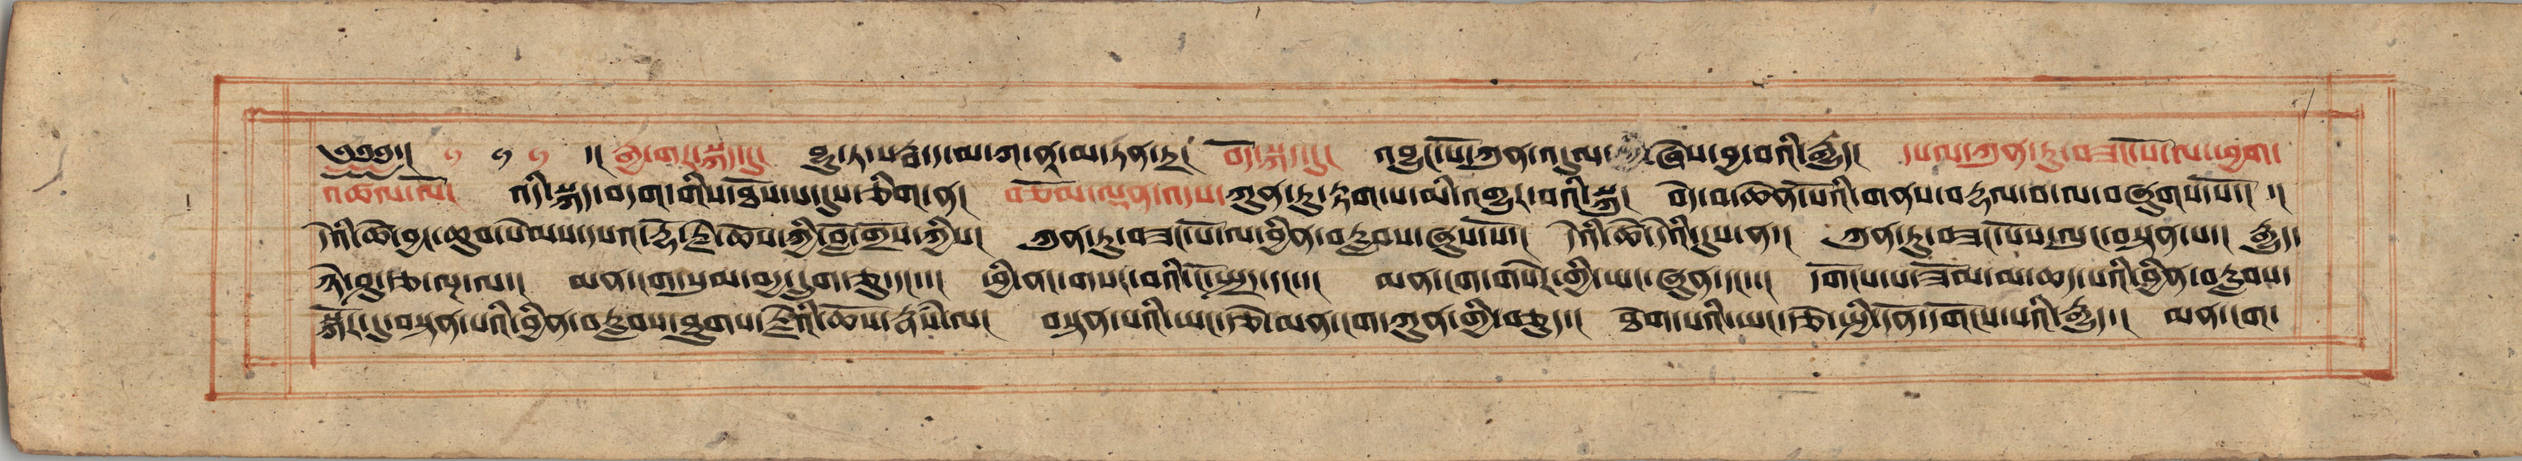༄༅༅་། ་།རྒྱ་གར་སྐད་དུ། བྷུ་ཏ་སརྦ་ད་མ་ཀ་ནཱ་མ་ཏན་ཏྲ། བོད་སྐད་དུ། འབྱུང་པོ་ཀུན་འདུལ་གྱི་ཞེས་བྱ་བའི་རྒྱུད། དཔལ་ཀུན་ཏུ་བཟང་པོ་ལ་ཕྱག་
འཚལ་ལོ། འདི་སྐད་བདག་གིས་ཐོས་པ་དུས་ཅིག་ན། བཅོམ་ལྡན་འདས་ཀུན་ཏུ་རྟགས་མི་འགྱུར་བའི་སྐུ། བདེ་བ་ཆེན་པོའི་གནས་བདྷལ་བ་ལ་བཞུགས་སོ་། ་།
དེའི་ཚེ་བྱང་ཆུབ་སེམས་དཔའ་རྡོ་རྗེ་ཆོས་ཀྱི་བློ་གྲོས་ཀྱིས། ཀུན་ཏུ་བཟང་པོ་ལ་བྱིན་བརླབས་ཞུས་སོ་། དེའི་ཚེ་དེའི་དུས་ན་། ཀུན་ཏུ་བཟང་པོས་ལུང་བསྟན་པ་། རྒྱུད་
ཉེ་ཤུ་རྩ་ལྔ་ལ་། མན་ངག་སུམ་བདྱ་དྲུག་ཅུ་དང་་། ཕྱི་ནང་གསང་བའི་ངོ་སྤྲད་དང་་། མན་ངག་གསེར་གྱི་ཡང་ཞུན་དང་་། དགོངས་པ་ཟོམ་མ་ཆད་པའི་བྱིན་བརླབས་
སྐོར་དུ་བསྟན་པའི་བྱིན་བརླབས་ཐུགས་རྗེའི་ཆོས་རྣཾས་ལ། བསྟན་པའི་ཡང་རྩེ་མན་ངག་ཀུན་གྱི་བཅུད་། ཐེག་པའི་ཡང་རྩེ་སྤྱི་དོན་དགོངས་པའི་རྒྱུད་། མན་ངག་